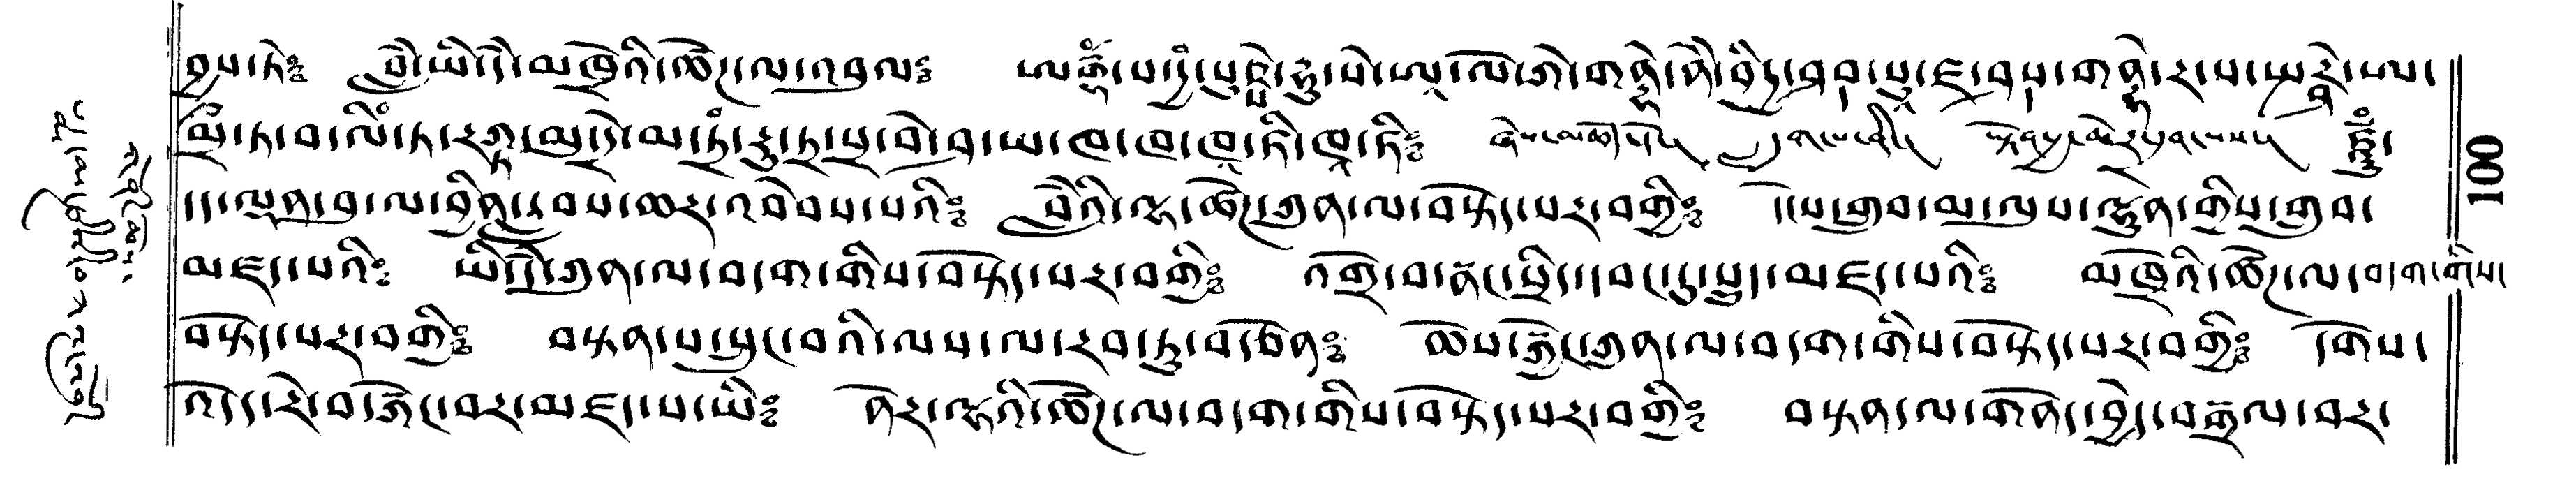བྱས་ཏེ༔ བླ་མ་ཡི་དམ་མཁའ་འགྲོའི་ཚོགས་ལ་འབུལ༔ ཨརྒྷཾ་པདྱཾ་པུཥྤེ་དྷུཔེ་ཨཱལོཀེ་གནྡྷེ་ནཻ་ཝིདྱ་ཤབྡ་པཱུ་ཛ་ཤཔྡ་གནྡྷེ་ར་ས་སྤརྴེ་ཨ་
མྲྀ་ཏ་བ་ལིཾ་ཏ་རཀྟ་མུ་དྲེ་མ་ཏྲཾ་རུ་ཏྲ་པྲ་བེ་ཤ་ཡ་ཁ་ཁ་ཁཱ་ཧི་ཁཱ་ཧི༔ ཞེས་མཆོད་དོ། དྲུག་པ་ནི། ཡོན་ཏན་རྒྱ་ཆེར་དྲན་པས། ཧཱུྃ༔ 
དད་ལྡན་བུ་ལ་བྱིན་རླབས་ཆར་འབེབས་པའི༔ བླ་མའི་ལྷ་ཚོགས་ཀུན་ལ་བསྟོད་པར་བགྱི༔ དངོས་གྲུབ་མ་ལུས་ལྷུན་གྱིས་གྲུབ་
མཛད་པའི༔ ཡི་དམ་ཀུན་ལ་བདག་གིས་བསྟོད་པར་བགྱི༔ འགྲོ་བ་སྣང་སྲིད་དབང་དུ་སྡུད་མཛད་པའི༔ མཁའ་འགྲོའི་ཚོགས་ལ་བདག་གིས་
བསྟོད་པར་བགྱི༔ བསྟན་པ་སྲུང་བའི་ལས་ལ་རབ་ཏུ་བརྩོན༔ ཆོས་སྐྱོང་ཀུན་ལ་བདག་གིས་བསྟོད་པར་བགྱི༔ དགོས་
འདོད་རེ་བ་སྐོང་བར་མཛད་པ་ཡི༔ ནོར་ལྷའི་ཚོགས་ལ་བདག་གིས་བསྟོད་པར་བགྱི༔ བསྟན་ལ་གནོད་བྱེད་བསྒྲལ་བར་